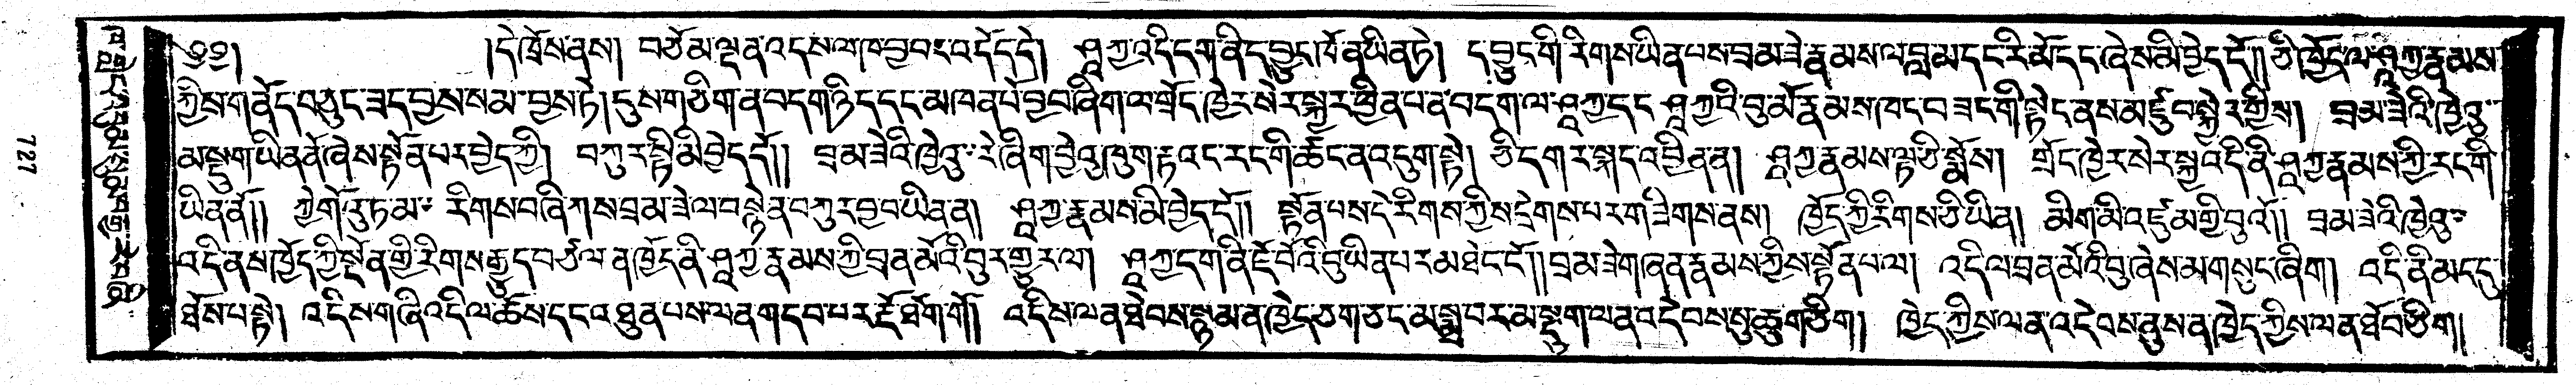༄༅། །དེ་ཁྲོས་ནས། བཅོམ་ལྡན་འདས་ལ་ཁ་བྱ་བང་འདོད་དེ། ཤཱཀྱ་འདི་དག་ནི་དབྱུང་ཁོ་ན་ཡིན་ཏེ། དབྱུང་གི་རིགས་ཡིན་པས་བྲམ་ཟེ་རྣམས་ལ་བླ་མ་དང་རི་མོ་དང་ཞེས་མི་བྱེད་དོ། །ཅི་ཁྱོད་ལ་ཤཱཀྱ་རྣམས་
ཀྱིས་གནོད་བཅུང་ཟད་བྱས་སམ་བྱས་ཏེ། དུས་གཅིག་ན་བདག་ཉིད་དང་མཁན་པོ་བྱ་བ་ཞིག་ལ་གྲོད་ཁྱེར་སེར་སྐྱར་ཕྱིན་པ་ན་བདག་ལ་ཤཱཀྱ་དང་ཤཱཀྱའི་བུ་མོ་རྣམས་ཁང་བཟང་གི་སྟེང་ནས་མཛུབ་སྐྱེར་གྱིས། བྲམ་ཟེའི་ཁྱེའུ་
མ་སྡུག་ཡིན་ནོ་ཞེས་སྟོན་པར་བྱེད་ཀྱི། བཀུར་སྟི་མི་བྱེད་དོ། །བྲམ་ཟེའི་ཁྱེའུ༑ རེ་ཞིག་བྱེའུ་ཁུག་རྟའང་རང་གི་ཚང་ན་འདུག་སྟེ། ཅི་དགར་སྐད་འབྱིན་ན། ཤཱཀྱ་རྣམས་ལྟ་ཅི་སྨོས། གྲོང་ཁྱེར་སེར་སྐྱ་འདི་ནི་ཤཱཀྱ་རྣམས་ཀྱི་རང་གི་
ཡིན་ནོ། །ཀྱེ་གོའུ་ཏམ༑ རིགས་བཞི་ཀས་བྲམ་ཟེ་ལ་བསྙེན་བཀུར་བྱ་བ་ཡིན་ན། ཤཱཀྱ་རྣམས་མི་བྱེད་དོ། །སྟོན་པས་དེ་རིགས་ཀྱིས་དྲེགས་པར་གཟིགས་ནས། ཁྱོད་ཀྱི་རིགས་ཅི་ཡིན། མིག་མི་འཛུམ་གྱི་བུའོ།། བྲམ་ཟེའི་ཁྱེའུ༑
འདི་ནས་ཁྱོད་ཀྱི་སྔོན་གྱི་རིགས་རྒྱུད་བཙལ་ན་ཁྱོད་ནི་ཤཱཀྱ་རྣམས་ཀྱི་བྲན་མོའི་བུར་གྱུར་ལ། ཤཱཀྱ་དག་ནི་ཇོ་བོའི་བུ་ཡིན་པར་མཐེང་ངོ། །བྲམ་ཟེ་གཞན་རྣམས་ཀྱིས་སྟོན་པ་ལ། འདི་ལ་བྲན་མོའི་བུ་ཞེས་མ་གསུང་ཞིག། འདི་ནི་མང་དུ་
ཐོས་པ་སྟེ། འདིས་གཞི་འདི་ལ་ཆོས་དང་འཐུན་པས་ལན་གདབ་པར་རྡོ་ཐོག་གོ། འདིས་ལན་ཐེབས་སྙམ་ན་ཁྱེད་ཅག་ཅང་མ་སྨྲ་བར་མ་སྡུག་ལན་འདེབས་སུ་ཆུག་ཅིག། ཁྱེད་ཀྱིས་ལན་འདེབས་ནུས་ན་ཁྱེད་ཀྱིས་ལན་ཐོབ་ཅིག།